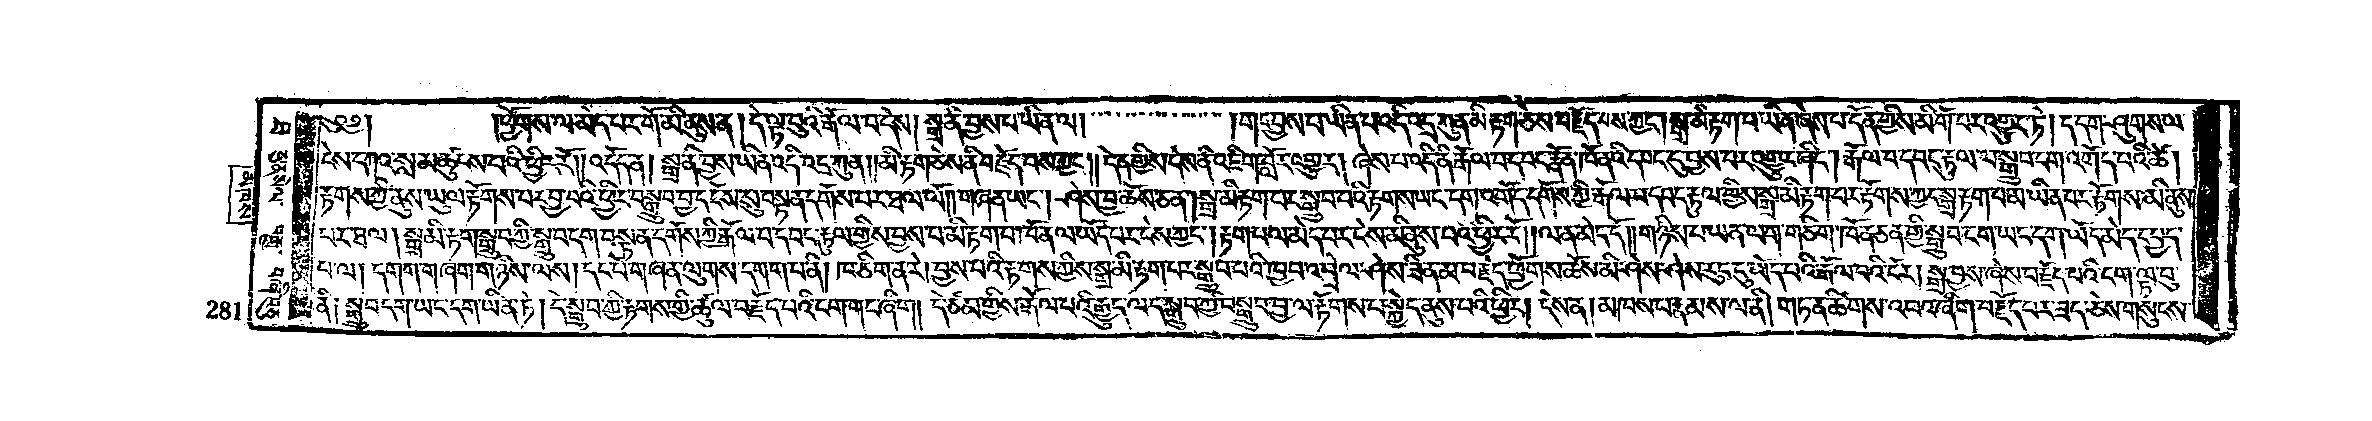༄༅། །ཕྱོགས་ལ་མེད་པར་གོ་མི་ནུས་ན། དེ་ལྟ་བུའི་རྒོལ་བ་དེས། སྒྲ་ནི་བྱས་པ་ཡིན་ལ། །གང་བྱས་པ་ཡིན་པ་འདི་འདྲ་ཀུན་མི་རྟག་ཅེས་བརྗོད་པས་ཀྱང་། སྒྲ་མི་རྟག་པ་ཡིན་ཞེས་པ་དོན་གྱིས་མི་གོ་བར་འགྱུར་ཏེ། དེ་དག་ཤུགས་ལ་
ངེས་དཀའ་སླ་མཚུངས་པའི་ཕྱིར་རོ། །འདོད་ན། སྒྲ་ནི་བྱས་ཡིན་འདི་འདྲ་ཀུན། །མི་རྟག་ཅེས་ནི་བརྗོད་བས་ཀྱང་། །དོན་གྱིས་དེས་ནི་འཇིག་བློར་འགྱུར། ཞེས་པ་འདི་ནི་རྒོལ་བ་དབང་རྣོན་ཁོ་ནའི་དབང་དུ་བྱས་པར་འགྱུར་ཞིང་། རྒོལ་བ་དབང་རྟུལ་ལ་སྒྲུབ་དག་འགོད་པའི་ཚེ།
རྟགས་ཀྱི་ནུས་ཡུལ་རྟོགས་པར་བྱ་བའི་ཕྱིར་བསྒྲུབ་བྱ་དངོས་སུ་བསྟན་དགོས་པར་ཐལ་ལོ། །གཞན་ཡང་། ཤེས་བྱ་ཆོས་ཅན། སྒྲ་མི་རྟག་པར་སྒྲུབ་པའི་རྟགས་ཡང་དག་འགོད་དགོས་ཀྱི་རྒོལ་བ་དབང་རྟུལ་གྱིས་སྒྲ་མི་རྟག་པར་རྟོགས་ཀྱང་སྒྲ་རྟག་པ་མ་ཡིན་པར་རྟོགས་མི་ནུས་
པར་ཐལ། སྒྲ་མི་རྟག་སྒྲུབ་ཀྱི་སྒྲུབ་དག་བསྟན་དགོས་ཀྱི་རྒོལ་བ་དབང་རྟུལ་གྱིས་བྱས་པ་མི་རྟག་པ་ཁོ་ན་ལ་ཡོད་པར་ངེས་ཀྱང་། རྟག་པ་ལ་མེད་པར་ངེས་མི་ནུས་པའི་ཕྱིར་རོ། །ལན་མེད་དོ། །གཉིས་པ་ཡན་ལག་གཅིག་ཁོ་ན་ཅན་གྱི་སྒྲུབ་དག་ཡང་དག་ཡོད་མེད་དཔྱད་
པ་ལ། དགག་གཞག་གཉིས་ལས། དང་པོ་གཞན་ལུགས་དགག་པ་ནི། ཁ་ཅིག་ན་རེ། བྱས་པའི་རྟགས་ཀྱིས་སྒྲ་མི་རྟག་པར་སྒྲུབ་པའི་ཁྱབ་འབྲེལ་ཤེས་ཟིན་མ་བརྗེད་ཕྱོགས་ཆོས་མི་ཤེས་ཤེས་རུང་དུ་ཡོད་པའི་རྒོལ་བའི་ངོར། སྒྲ་བྱས་ཞེས་བརྗོད་པའི་ངག་ལྟ་བུ་
ནི། སྒྲུབ་དག་ཡང་དག་ཡིན་ཏེ། དེ་སྒྲུབ་ཀྱི་རྟགས་ཀྱི་ཚུལ་བརྗོད་པའི་ངག་གང་ཞིག། དེ་ཙམ་གྱིས་རྒོལ་པའི་རྒྱུད་ལ་དེ་སྒྲུབ་ཀྱི་བསྒྲུབ་བྱ་ལ་རྟོགས་པ་སྐྱེད་ནུས་པའི་ཕྱིར། དེས་ན། མཁས་པ་རྣམས་ལ་ནི། གཏན་ཚིགས་འབའ་ཞིག་བརྗོད་པར་ཟད་ཅེས་གསུངས་